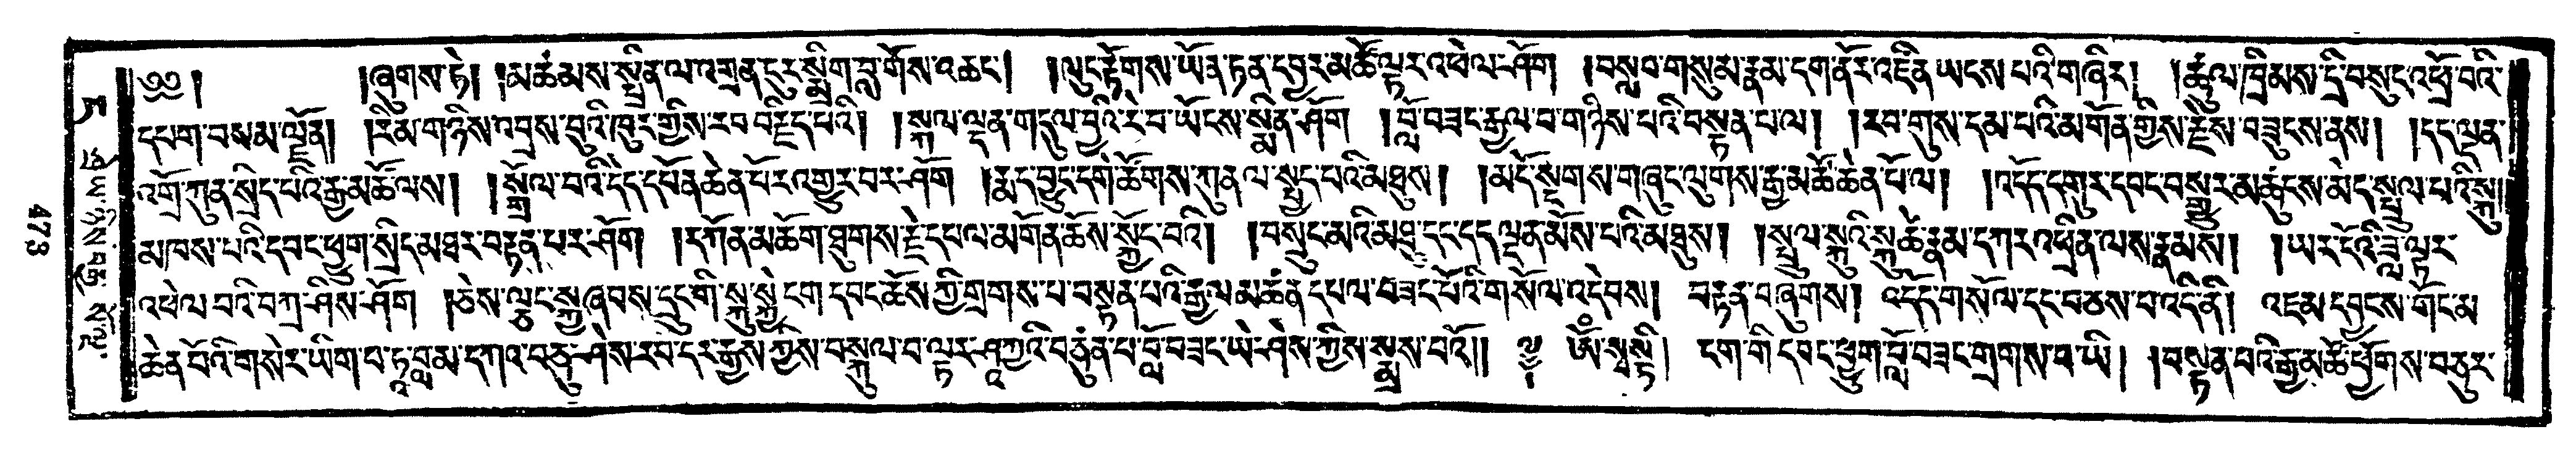༄༅། །ཞུགས་ཏེ། །མཚམས་སྤྲིན་ལ་འགྲན་ངུར་སྨྲིག་བླ་གོས་འཆང་། །ལུང་རྟོགས་ཡོན་ཏན་དབྱར་མཚོ་ལྟར་འཕེལ་ཤོག །བསླབ་གསུམ་རྣམ་དག་ནོར་འཛིན་ཡངས་པའི་གཞིར། །ཚུལ་ཁྲིམས་དྲི་བསུང་འཕྲོ་བའི་
དཔག་བསམ་ལྗོན། །རིམ་གཉིས་འབྲས་བུའི་ཁུར་གྱིས་རབ་བརྗིད་པའི། །སྐལ་ལྡན་གདུལ་བྱའི་རེ་བ་ཡོངས་སྨིན་ཤོག །བློ་བཟང་རྒྱལ་བ་གཉིས་པའི་བསྟན་པ་ལ། །རབ་གུས་དམ་པའི་མགོན་གྱིས་རྗེས་བཟུངས་ནས། །དང་ལྡན་
འགྲོ་ཀུན་སྲིད་པའི་རྒྱ་མཚོ་ལས། །སྒྲོལ་བའི་དེད་དཔོན་ཆེན་པོར་འགྱུར་བར་ཤོག །རྨད་བྱུང་དགེ་ཚོགས་ཀུན་ལ་སྤྱད་པའི་མཐུས། །མདོ་སྔགས་གཞུང་ལུགས་རྒྱ་མཚོ་ཆེན་པོ་ལ། །འདོད་དགུར་དབང་བསྒྱུར་མཚུངས་མེད་སྤྲུལ་པའི་སྐུ།།
མཁས་པའི་དབང་ཕྱུག་སྲིད་མཐར་བརྟན་པར་ཤོག །དཀོན་མཆོག་ཐུགས་རྗེ་དཔལ་མགོན་ཆོས་སྐྱོང་བའི། །བསྲུང་མའི་མཐུ་དང་དད་ལྡན་མོས་པའི་མཐུས། །སྤྲུལ་སྐུའི་སྐུ་ཚེ་རྣམ་དཀར་འཕྲིན་ལས་རྣམས། །ཡར་ངོའི་ཟླ་ལྟར་
འཕེལ་བའི་བཀྲ་ཤིས་ཤོག །ཅེས་ལྕང་སྐྱ་ཞབས་དྲུང་གི་སྐུ་སྐྱེ་ངག་དབང་ཆོས་ཀྱི་གྲགས་པ་བསྟན་པའི་རྒྱལ་མཚན་དཔལ་བཟང་པོའི་གསོལ་འདེབས། བརྟན་བཞུགས། འདོད་གསོལ་དང་བཅས་པ་འདི་ནི། འཇམ་དབྱངས་གོང་མ་
ཆེན་བོའི་གསེར་ཡིག་པ་ཏཱ་བླ་མ་དཀའ་བཅུ་ཤེས་རབ་དར་རྒྱས་ཀྱིས་བསྐུལ་བ་ལྟར་ཤའྐྱའི་བཙུན་པ་བློ་བཟང་ཡེ་ཤེས་ཀྱིས་སྨྲས་བའོ།། ༈ ཨོཾ་སྭྶྟི། ངག་གི་དབང་ཕྱུག་བློ་བཟང་གྲགས་བ་ཡི། །བསྟན་བའི་རྒྱ་མཚོ་ཕྱོགས་བཅུར་